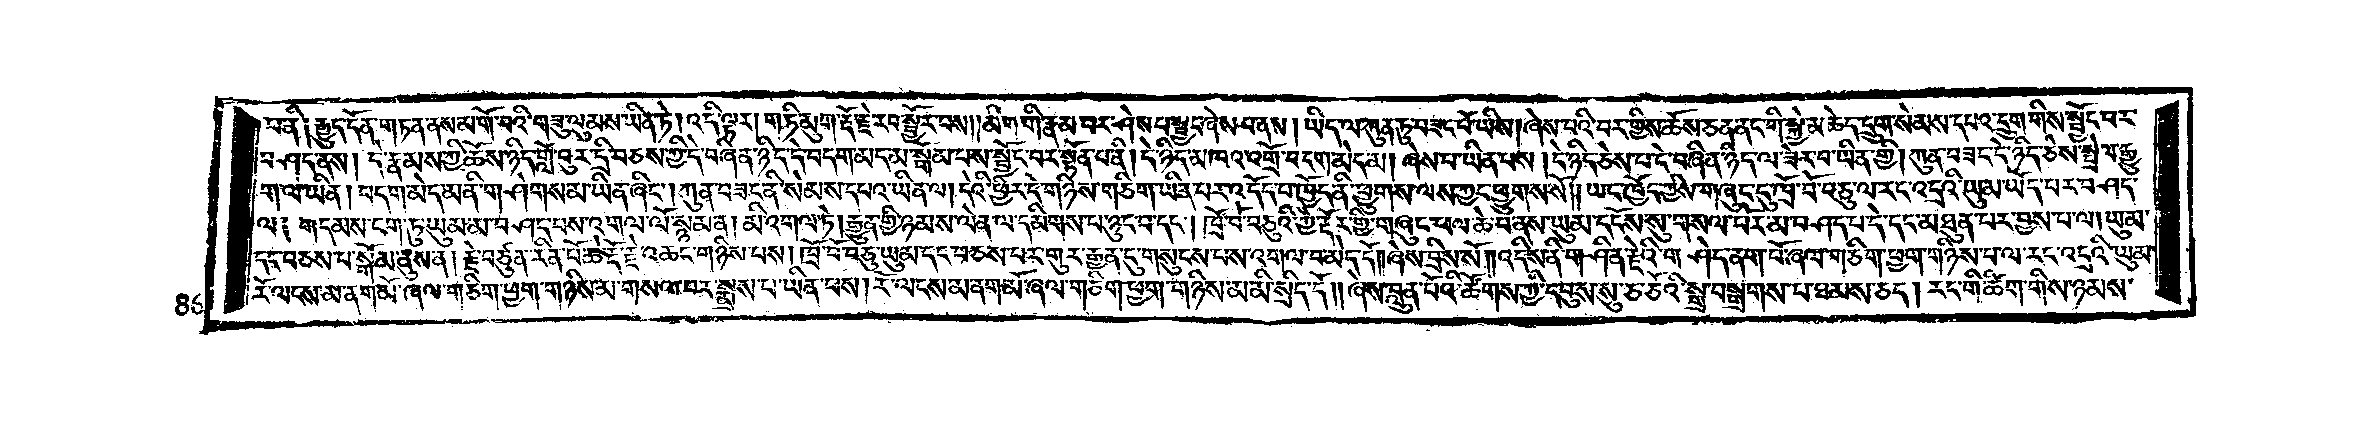པ་ནི། རྒྱུད་དོན་གཏན་ནས་མ་གོ་བའི་གཟུ་ལུམས་ཡིན་ཏེ། འདི་ལྟར། གཏི་མུག་རྡོ་རྗེར་རབ་སྦྱོར་བས། །མིག་གི་རྣམ་པར་ཤེས་པ་སྦྱང་ཞེས་པ་ནས། ཡིད་ལ་ཀུན་ཏུ་བཟང་པོ་ཡིས། ཞེས་པའི་བར་གྱིས་ཆོས་ཅན་ནང་གི་སྐྱེ་མཆེད་དྲུག་སེམས་དཔའ་དྲུག་གིས་སྦྱོང་བར་
བཤད་ནས། དེ་རྣམས་ཀྱི་ཆོས་ཉིད་གློ་བུར་དྲི་བཅས་ཀྱི་དེ་བཞིན་ཉིད་དེ་བདག་མེད་མ་སྒོམ་པས་སྦྱོང་བར་སྟོན་པ་ནི། དེ་ཉིད་མཁའ་འགྲོ་བདག་མེད་མ། ཞེས་པ་ཡིན་པས། དེ་ཉིད་ཅེས་པ་དེ་བཞིན་ཉིད་ལ་ཟེར་བ་ཡིན་གྱི། ཀུན་བཟང་དེ་ཉིད་ཅེས་སྤྲེལ་རྒྱུ་
ག་ལ་ཡིན། བདག་མེད་མ་ནི་གཤེགས་མ་ཡིན་ཞིང་། ཀུན་བཟང་ནི་སེམས་དཔའ་ཡིན་ལ། དེའི་ཕྱིར་དེ་གཉིས་གཅིག་ཡིན་པར་འདོད་པ་ཁྱོད་ནི་ཕྱུགས་ལས་ཀྱངས་ཕྱུགས་སོ། །ཡང་ཁྱོད་ཀྱིས་གཞུང་དུ་ཁྲོ་བོ་བཅུ་ལ་རང་འདྲའི་ཡུམ་ཡོད་པར་བཤད་
ལ། གདམས་ངག་ཏུ་ཡུམ་མ་བཤད་པས་འགལ་ལོ་སྙམ་ན། མི་འགལ་ཏེ། རྒྱུན་གྱི་ཉམས་ལེན་ལ་དམིགས་པ་ཉུང་བ་དང་། ཁྲོ་བོ་བཅུའི་ཀྱེད་རྡོར་གྱི་གཞུང་ཕལ་ཆེ་བ་ནས་ཡུམ་དངོས་སུ་གསལ་པོར་མ་བཤད་པ་དེ་དང་མཐུན་པར་བྱས་པ་ལ། ཡུམ་
དང་བཅས་པ་སྒོམ་ནུས་ན། རྗེ་བཙུན་རིན་པོ་ཆེ་རྡོ་རྗེ་འཆང་གཉིས་པས། ཁྲོ་བོ་བཅུ་ཡུམ་དང་བཅས་པར་གུར་རྒྱུན་དུ་གསུངས་པས་འགལ་བ་མེད་དོ། །ཞེས་བྲིས་སོ། །འདིས་ནི་གཤིན་རྗེའི་གཤེད་ནག་པོ་ཞལ་གཅིག་ཕྱག་གཉིས་པ་ལ་རང་འདྲའི་ཡུམ་
རོ་ལངས་མ་ནག་མོ་ཞལ་གཅིག་ཕྱག་གཉིས་མ་གསལ་བར་སྨྲས་པ་ཡིན་པས། རོ་ལངས་མ་ནག་མོ་ཞལ་གཅིག་ཕྱག་གཉིས་མ་མི་སྲིད་དོ། །ཞེས་བླུན་པོའི་ཚོགས་ཀྱི་དབུས་སུ་ཅ་ཅོའི་སྒྲ་བསྒྲགས་པ་ཐམས་ཅད། རང་གི་ཚིག་གིས་ཉམས་